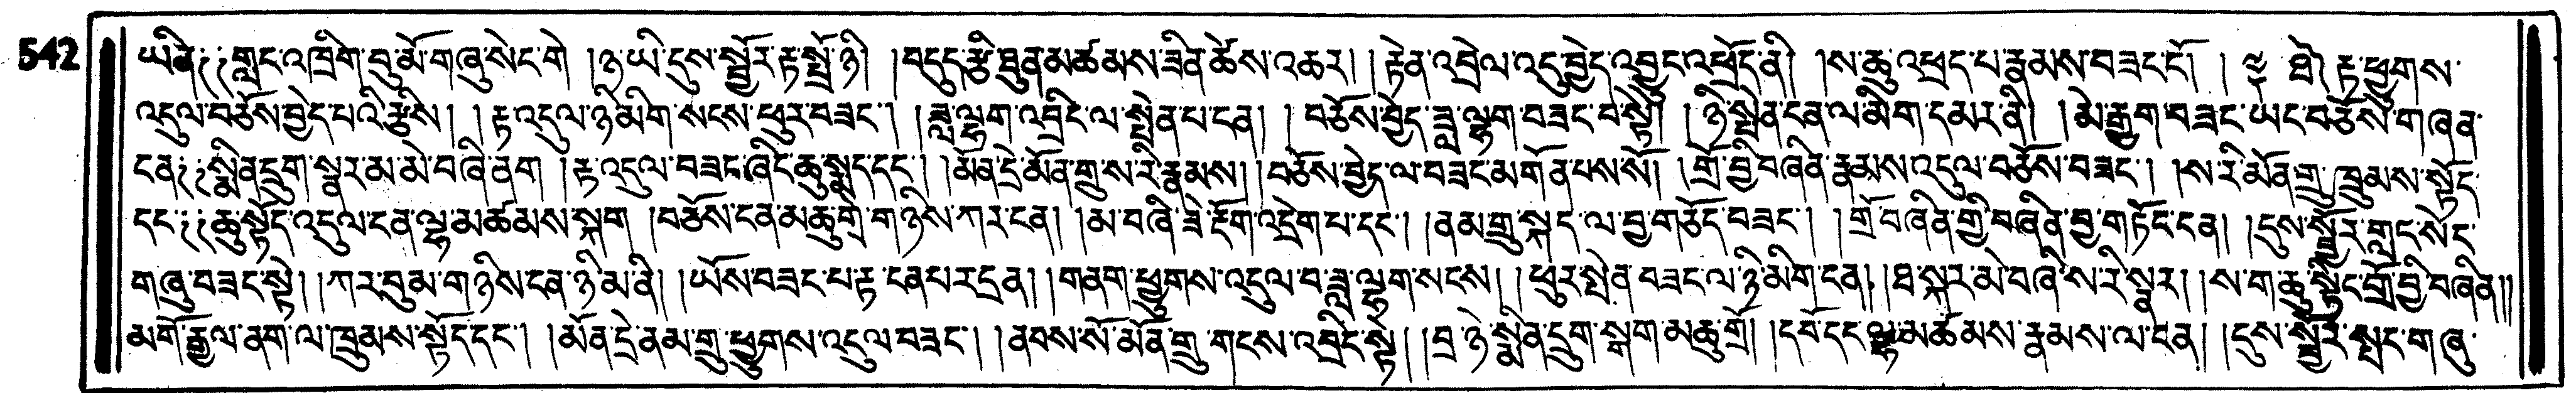ཡིན༑ ༑གླང་འཁྲིག་བུ་མོ་གཞུ་སེང་གེ །ཉ་ཡི་དུས་སྦྱོར་རྟ་སྤྲོ་ཉི། །བདུད་རྩི་ཐུན་མཚམས་ཟིན་ཚེས་འཆར། །རྟེན་འབྲེལ་འདུ་བྱེད་འབྱུང་འཕྲོད་ནི། །ས་ཆུ་འཕྲད་པ་རྣམས་བཟང་ངོ། ། འ་ཐ་རྟ་ཕྱུགས་
འདུལ་བཅོས་བྱེད་པའི་རྩིས། །རྟ་འདུལ་ཉི་མིག་སངས་ཕུར་བཟང་། །ཟླ་ལྷག་འབྲིང་ལ་སྤེན་པ་ངན། །བཅོས་བྱེད་ཟླ་ལྷག་བཟང་བ་སྟེ། །ཉི་སྤེན་ངན་ལ་མིག་དམར་ནི། །མེ་རྒྱག་བཟང་ཡང་བཅོས་གཞན་
ངན༑ ༑སྨིན་དྲུག་སྣར་མ་མེ་བཞི་ནག །རྟ་འདུལ་བཟང་ཞིང་ཆུ་སྨད་དང་། །མོན་དྲེ་མོན་གྲུ་ས་རི་རྣམས། །བཅོས་བྱེད་ལ་བཟང་མགོན་པས་སོ། །གྲོ་བྱི་བཞིན་རྣམས་འདུལ་བཅོས་བཟང་། །ས་རི་མོན་གྲུ་ཁྲུམས་སྟོད་
དང༑ ༑ཆུ་སྟོད་འདུལ་ངན་ལྷ་མཚམས་སྐག །བཅོས་ངན་མཆུ་གྲེ་གཉིས་ཀར་ངན། །མ་བཞི་ཟེ་རྡོག་འདྲེག་པ་དང་། །ནམ་གྲུ་སྐད་ལ་བྱ་གཅོད་བཟང་། །གྲོ་བཞིན་གྱི་བཞིན་བྱ་གཏོང་ངན། །དུས་སྦྱོར་གླང་སེང་
གཞུ་བཟང་སྟེ། །ཀར་བུམ་གཉིས་ངན་ཉི་མ་ནི། །ཡོས་བཟང་པ་རྟ་ངན་པར་དྲན། །གནག་ཕྱུགས་འདུལ་བ་ཟླ་ལྷག་སངས། །ཕུར་སྤེན་བཟང་ལ་ཉི་མིག་ངན། །ཐ་སྐར་མེ་བཞི་ས་རི་སྣར། །ས་ག་ཆུ་སྟིང་གྲོ་བྱི་བཞིན། །
མགོ་རྒྱལ་ནག་ལ་ཁྲུམས་སྟོད་དང་། །མོན་དྲེ་ནམ་གྲུ་ཕྱུགས་འདུལ་བཟང་། །ནབས་སོ་མོན་གྲུ་གངས་འབྲིང་སྟེ། །བྲ་ཉེ་སྨིན་དྲུག་སྒག་མཆུ་གྲོ། །དབོ་དང་ལྷ་མཚམས་རྣམས་ལ་ངན། །དུས་སྦྱོར་སྤང་གཞུ་